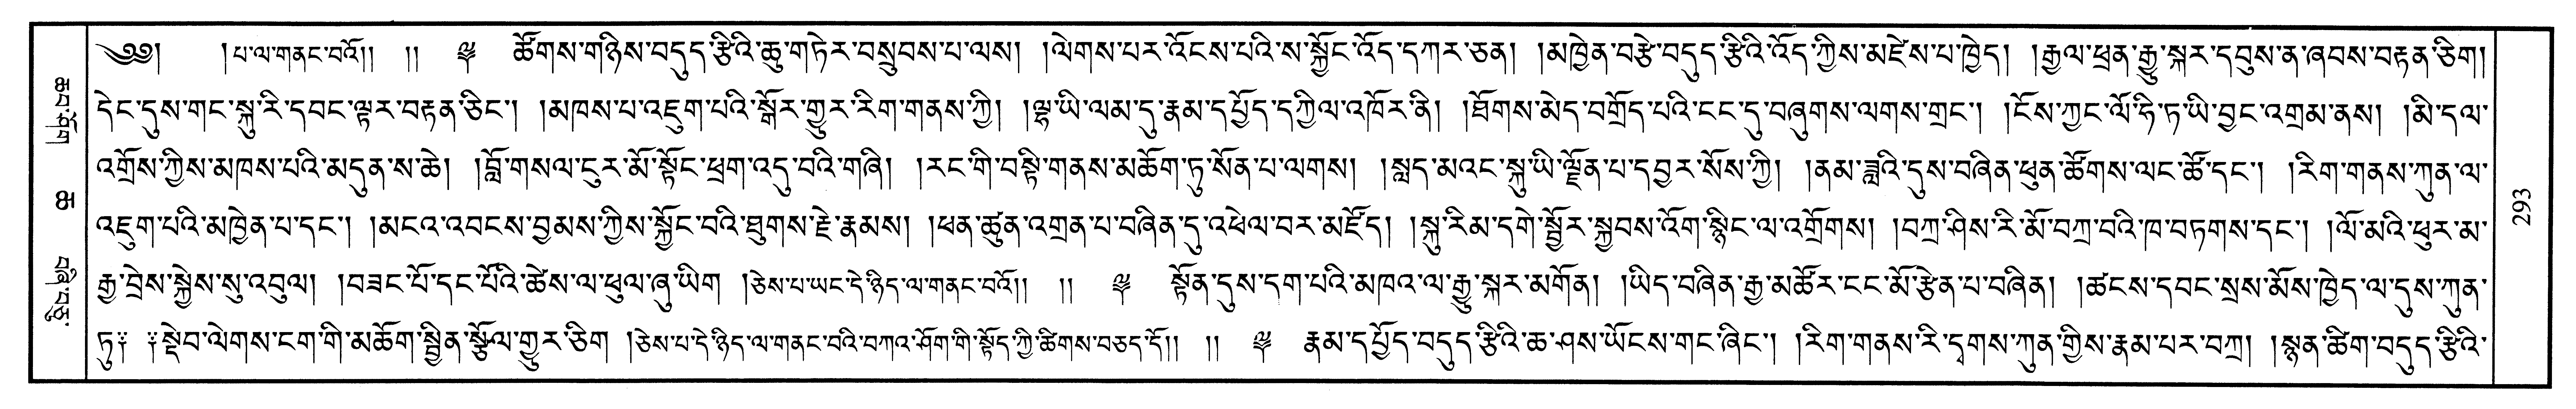༄༅། །པ་ལ་གནང་བའོ།། །། ༈ ཚོགས་གཉིས་བདུད་རྩིའི་ཆུ་གཏེར་བསྲུབས་པ་ལས། །ལེགས་པར་འོངས་པའི་ས་སྐྱོང་འོད་དཀར་ཅན། །མཁྱེན་བརྩེ་བདུད་རྩིའི་འོད་ཀྱིས་མཛེས་པ་ཁྱེད། །རྒྱལ་ཕྲན་རྒྱུ་སྐར་དབུས་ན་ཞབས་བརྟན་ཅིག་
དེང་དུས་གང་སྐུ་རི་དབང་ལྟར་བརྟན་ཅིང་། །མཁས་པ་འཇུག་པའི་སྒོར་གྱུར་རིག་གནས་ཀྱི། །ལྷ་ཡི་ལམ་དུ་རྣམ་དཔྱོད་དཀྱིལ་འཁོར་ནི། །ཐོགས་མེད་བགྲོད་པའི་ངང་དུ་བཞུགས་ལགས་གྲང་། །ངོས་ཀྱང་ལོ་ཧི་ཏ་ཡི་བྱང་འགྲམ་ནས། །མི་དལ་
འགྲོས་ཀྱིས་མཁས་པའི་མདུན་ས་ཆེ། །བློ་གསལ་ངུར་མོ་སྟོང་ཕྲག་འདུ་བའི་གཞི། །རང་གི་བསྟི་གནས་མཆོག་ཏུ་སོན་པ་ལགས། །སླད་མའང་སྐུ་ཡི་ལྗོན་པ་དབྱར་སོས་ཀྱི། །ནམ་ཟླའི་དུས་བཞིན་ཕུན་ཚོགས་ལང་ཚོ་དང་། །རིག་གནས་ཀུན་ལ་
འཇུག་པའི་མཁྱེན་པ་དང་། །མངའ་འབངས་བྱམས་ཀྱིས་སྐྱོང་བའི་ཐུགས་རྗེ་རྣམས། །ཕན་ཚུན་འགྲན་པ་བཞིན་དུ་འཕེལ་བར་མཛོད། །སྐུ་རིམ་དགེ་སྦྱོར་སྐྱབས་འོག་སྙིང་ལ་འགྲོགས། །བཀྲ་ཤིས་རི་མོ་བཀྲ་བའི་ཁ་བཏགས་དང་། །ལོ་མའི་ཕུར་མ་
རྒྱ་བྲེས་སྐྱེས་སུ་འབུལ། །བཟང་པོ་དང་པོའི་ཚེས་ལ་ཕུལ་ཞུ་ཡིག །ཅེས་པ་ཡང་དེ་ཉིད་ལ་གནང་བའོ།། །། ༈ སྟོན་དུས་དག་པའི་མཁའ་ལ་རྒྱུ་སྐར་མགོན། །ཡིད་བཞིན་རྒྱ་མཚོར་ངང་མོ་རྩེན་པ་བཞིན། །ཚངས་དབང་སྲས་མོས་ཁྱེད་ལ་དུས་ཀུན་
ཏུ། །སྡེབ་ལེགས་ངག་གི་མཆོག་སྦྱིན་སྩོལ་གྱུར་ཅིག །ཅེས་པ་དེ་ཉིད་ལ་གནང་བའི་བཀའ་ཤོག་གི་སྟོད་ཀྱི་ཚིགས་བཅད་དོ།། །། ༈ རྣམ་དཔྱོད་བདུད་རྩིའི་ཆ་ཤས་ཡོངས་གང་ཞིང་། །རིག་གནས་རི་དྭགས་ཀུན་གྱིས་རྣམ་པར་བཀྲ། །སྙན་ཚིག་བདུད་རྩིའི་